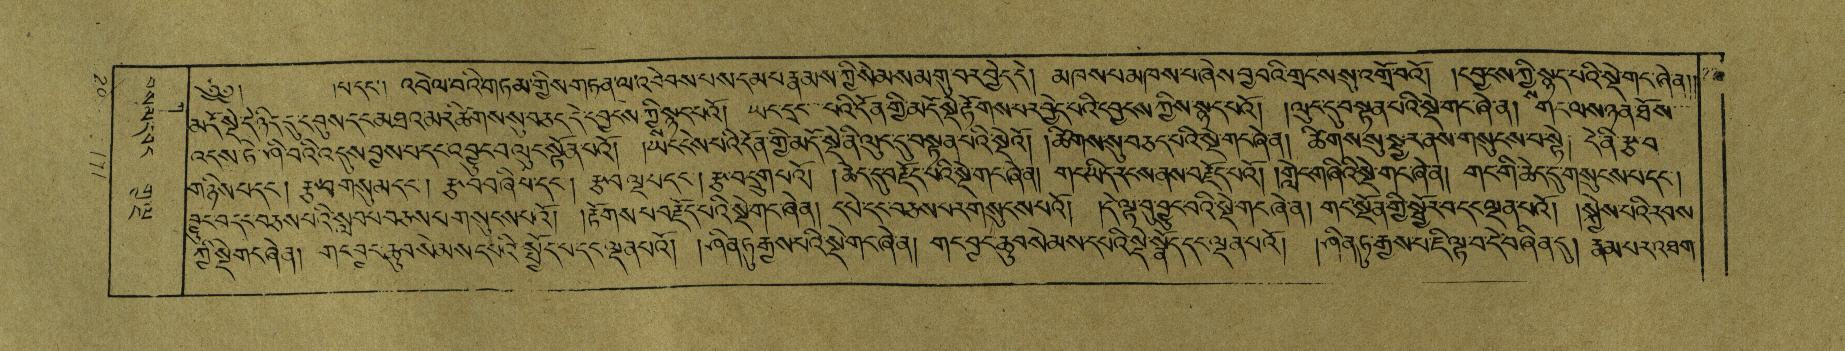༄༅། །པ་དང་། འབེལ་བའི་གཏམ་གྱིས་གཏན་ལ་འབེབས་པས་དམ་པ་རྣམས་ཀྱི་སེམས་མགུ་བར་བྱེད་དེ། མཁས་པ་མཁས་པ་ཞེས་བྱ་བའི་གྲངས་སུ་འགྲོ་བའོ། །དབྱངས་ཀྱིས་སྙད་པའི་སྡེ་གང་ཞེ་ན།།
མདོ་སྡེ་དེ་ཉིད་དུ་དབུས་དང་མཐའ་མར་ཚིགས་སུ་བཅད་དེ་དབྱངས་ཀྱིས་སྙད་པའོ། ཡང་དྲང་པའི་དོན་གྱི་མདོ་སྡེ་རྟོགས་པར་བྱེད་པའི་དབྱངས་ཀྱིས་སྙད་པའོ། །ལུང་དུ་བསྟན་པའི་སྡེ་གང་ཞེ་ན། གང་ལས་ཉན་ཐོས་
འདས་ཏེ་ཤི་བའི་འདུས་བྱས་པ་དང་འབྱུང་བ་ལུང་སྟོན་པའོ། །ཡང་ངེས་པའི་དོན་གྱི་མདོ་སྡེ་ནི་ལུང་དུ་བསྟན་པའི་སྡེའོ། །ཚིགས་སུ་བཅད་པའི་སྡེ་གང་ཞེ་ན། ཚིགས་སུ་སྦྱར་ནས་གསུངས་པ་སྟེ། དེ་ནི་རྩ་བ་
གཉིས་པ་དང་། རྩ་བ་གསུམ་དང་། རྩ་བ་བཞི་པ་དང་། རྩ་བ་ལྔ་པ་དང་། རྩ་བ་དྲུག་པའོ། །ཆེད་དུ་བརྗོད་པའི་སྡེ་གང་ཞེ་ན། གང་ཡིད་རངས་ནས་བརྗོད་པའོ། །གླེང་གཞིའི་སྡེ་གང་ཞེ་ན། གང་གི་ཆེད་དུ་གསུངས་པ་དང་།
བྱུང་བ་དང་བཅས་པའི་སླབ་བ་བཅས་པ་གསུངས་པའོ། །རྟོགས་པ་བརྗོད་པའི་སྡེ་གང་ཞེ་ན། དཔེ་དང་བཅས་པར་གསུངས་པའོ། །དེ་ལྟ་བུ་བྱུང་པའི་སྡེ་གང་ཞེ་ན། གང་སྔོན་གྱི་སྦྱོར་བ་དང་ལྡན་པའོ། །སྐྱེས་པའི་རབས་
ཀྱི་སྡེ་གང་ཞེ་ན། གང་བྱང་ཆུབ་སེམས་དཔའི་སྤྱོད་པ་དང་ལྡན་པའོ། །ཤིན་ཏུ་རྒྱས་པའི་སྡེ་གང་ཞེ་ན། གང་བྱང་ཆུབ་སེམས་དཔའི་སྡེ་སྣོད་དང་ལྡན་པའོ། །ཤིན་ཏུ་རྒྱས་པ་ཇི་ལྟ་བ་དེ་བཞིན་དུ། རྣམ་པར་འཐག་